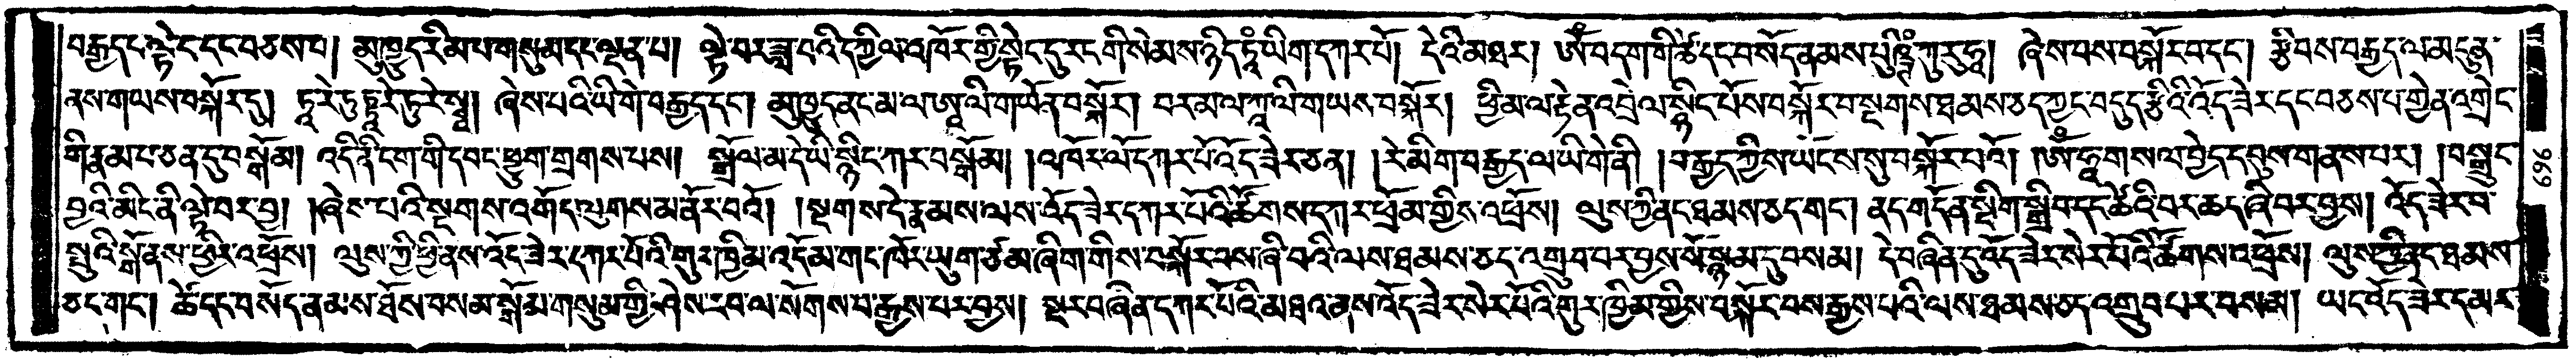བརྒྱ་དང་ལྟེང་དང་བཅས་པ། མུ་ཁྱུད་རིམ་པ་གསུམ་དང་ལྡན་པ། ལྟེ་བར་ཟླ་བའི་དཀྱིལ་འཁོར་གྱི་སྟེང་དུ་རང་གི་སེམས་ཉིད་ཏཱཾ་ཡིག་དཀར་པོ། དེའི་མཐར། ཨོཾ་བདག་གི་ཚེ་དང་བསོད་ནམས་པུཥིཾཊ་ཀུ་རུ་ཧཱ། ཞེས་པས་བསྐོར་བ་དང་། རྩིབས་བརྒྱད་ལ་མདུན་
ནས་གཡས་བསྐོར་དུ། ཏཱ་རེ་ཏུ་ཏྟཱ་རེ་ཏུ་རེ་སྭཱ། ཞེས་པའི་ཡི་གེ་བརྒྱད་དང་། མུ་ཁྱུད་ནང་མ་ལ་ཨཱ་ལི་གཡོན་བསྐོར། བར་མ་ལ་ཀཱ་ལི་གཡས་བསྐོར། ཕྱི་མ་ལ་རྟེན་འབྲེལ་སྙིང་པོས་བསྐོར་བ་སྔགས་ཐམས་ཅད་ཀྱང་བདུད་རྩིའི་འོད་ཟེར་དང་བཅས་པ་གྱེན་འགྲེང་
གི་རྣམ་པ་ཅན་དུ་བསྒོམ། འདི་ནི་ངག་གི་དབང་ཕྱུག་གྲགས་པས། སྒྲོལ་མ་དེ་ཡི་སྙིང་ཀར་བསྒོམ། །འཁོར་ལོ་དཀར་པོ་འོད་ཟེར་ཅན། །རེ་མིག་བརྒྱད་ལ་ཡི་གེ་ནི། །བརྒྱད་ཀྱིས་ཡོངས་སུ་བསྐོར་པའོ། །ཨོཾ་ཧཱ་གསལ་བྱེད་དབུས་གནས་པར། །བསྒྲུང་
བྱའི་མིང་ནི་ལྟེ་པར་བྱ། །ཞེས་པའི་སྔགས་འགོད་ལུགས་མ་ནོར་བའོ། །སྔགས་དེ་རྣམས་ལས་འོད་ཟེར་དཀར་པོའི་ཚོགས་དཀར་ཕྲོམ་གྱིས་འཕྲོས། ལུས་ཀྱི་ནང་ཐམས་ཅད་གང་། ནད་གདོན་སྡིག་སྒྲིབ་དང་ཚེའི་བར་ཆད་ཞི་བར་བྱས། འོད་ཟེར་པ་
སྤུའི་སྒོ་ནས་ཕྱིར་འཕྲོས། ལུས་ཀྱི་ཕྱི་ནས་འོད་ཟེར་དཀར་པོའི་གུར་ཁྱིམ་འོད་མ་གང་ཁོར་ཡུག་ཙམ་ཞིག་གིས་བསྐོར་བས་ཞི་བའི་ལས་ཐམས་ཅད་འགྲུབ་པར་བྱས་སོ་སྙམ་དུ་བསམ། དེ་བཞིན་དུ་འོད་ཟེར་སེར་པོའི་ཚོགས་འཕྲོས། ལུས་ཀྱི་ནང་ཐམས་
ཅད་གང་། ཚེ་དང་བསོད་ནམས་ཐོས་བསམ་སྒོམ་གསུམ་གྱི་ཤེས་རབ་ལ་སོགས་པ་རྒྱས་པར་བྱས། སྔར་བཞིན་དཀར་པོའི་མཐའ་ནས་འོད་ཟེར་སེར་པོའི་གུར་ཁྱིམ་གྱིས་བསྐོར་པས་རྒྱས་བའི་ལས་ཐམས་ཅད་འགྲུབ་པར་བསམ། ཡང་འོད་ཟེར་དམར་